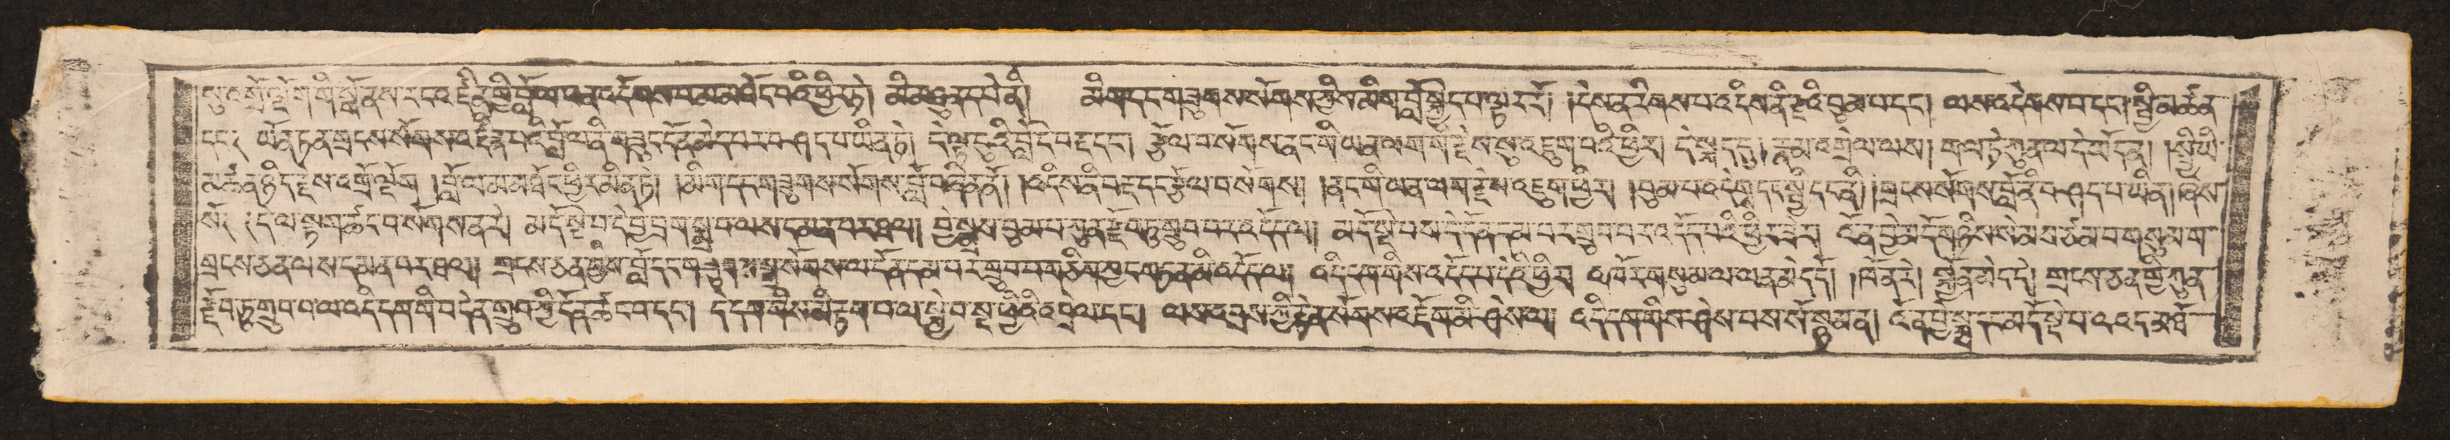སུ་འགྲོ་ལྡོག་གི་སྒོ་ནས་རང་འཛིན་གྱི་བློ་ལ་ཕན་འདོགས་པ་མ་མཐོང་བའི་ཕྱིར་ཏེ། མི་མཐུན་དཔེ་ནི། མིག་དང་གཟུགས་སོགས་ཀྱིས་མིག་བློ་སྐྱོད་པ་ལྟར་རོ། །དེས་ན་རིགས་པ་འདིས་ནི་རྫའི་བུམ་བ་དང་། ལས་འདེགས་པ་དང་། སྤྱི་མཚན་
དང༑ ཡོན་ཏན་གྲངས་སོགས་འཛིན་པའི་བློ་ལ་ནི་གཟུང་དོན་མེད་པར་བཤད་པ་ཡིན་ཏེ། དེ་ལྟ་བུའི་བློ་ངེ་བརྔ་དང་། རྩོལ་བ་སོགས་ནང་གི་ཡན་ལག་གི་རྗེས་སུ་འཇུག་པའི་ཕྱིར། དེ་སྐད་དུ། རྣམ་འགྲེལ་ལས། གལ་ཏེ་ཀུན་ལ་དེ་ཡོད་ན། །སྤྱི་ཡི་
མཚན་ཉིད་རྗེས་འགྲོ་ལྡོག །བློ་ལ་མ་མཐོང་ཕྱིར་མིན་ཏེ། །མིག་དང་གཟུགས་སོགས་བློ་བཞིན་ནོ། །འདིས་ནི་བརྔ་དང་རྩོལ་བ་སོགས། །ནང་གི་ཡན་ལག་རྗེས་འཇུག་ཕྱིར། །བུམ་པ་འདེགས་དང་སྤྱི་དང་ནི། །གྲངས་སོགས་བློ་ནི་བཤད་པ་ཡིན། ཞེས་
སོ༑ ༑དེ་ལ་སྟག་ཚང་བ་སོགས་ན་རེ། མདོ་སྡེ་བ་དེ་བྱེ་བྲག་སྨྲ་བ་ལས་དམན་པར་ཐལ། བྱེ་སྨྲས་བུམ་པ་ཀུན་རྫོབ་ཏུ་གྲུབ་བར་འདོད་ལ། མདོ་སྡེ་བས་དེ་དོན་དམ་པར་གྲུབ་པར་འདོད་པའི་ཕྱིར་ཟེར། འོ་ན་བྱེ་མདོ་གཉིས་སེམས་ཙམ་པ་གསུམ་ག་
གྲངས་ཅན་ལས་དམན་པར་ཐལ། གྲངས་ཅན་གྱིས་བློ་དང་གཟུགས་སྒྲ་སོགས་ལ་དོན་དམ་པར་གྲུབ་པ་གཅིག་ཀྱང་གཏན་མི་འདོད་ལ། འདི་དག་གིས་འདོད་པ་དེའི་ཕྱིར། འཁོར་གསུམ་ལ་ལན་མེད་དོ། །ཁོ་ན་རེ། སྐྱོན་མེད་དེ། གྲངས་ཅན་གྱི་ཀུན་
རྫོབ་ཏུ་གྲུབ་པ་ལ་འདི་དག་གི་བདེན་གྲུབ་ཀྱི་དོན་ཚང་བ་དང་། དེ་དག་གིས་མི་རྟག་པ་ལ་སྐྱེ་བ་སྔ་ཕྱིའི་འབྲེལ་དང་། ལས་འབྲས་ཀྱི་རྟེན་སོགས་འཇོག་མི་ཤེས་ལ། འདི་དག་གིས་ཤེས་པས་སོ་སྙམ་ན། འོ་ན་ཕྱེ་སྨྲ་དང་མདོ་སྡེ་པ་ལའང་མཐོ་